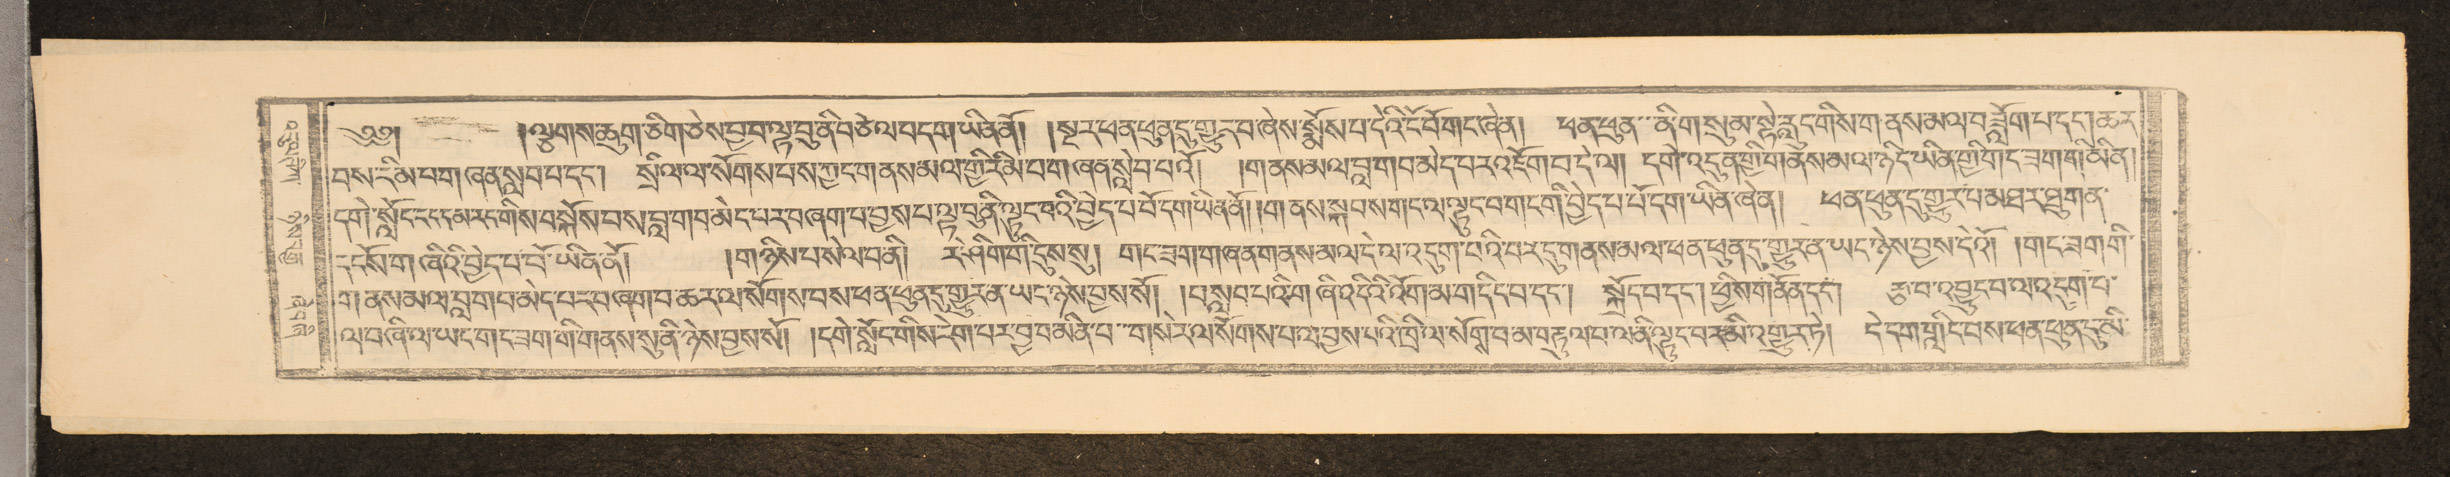༄༅། །ལྕགས་ཆུག་ཅིག་ཅེས་བྱ་བ་ལྟ་བུ་ནི་བཅོལ་བ་དག་ཡིན་ནོ། །སྔར་ཕན་ཕུན་དུ་གྱུར་བ་ཞེས་སྨོས་པ་དེའི་ངོ་བོ་གང་ཞེ་ན། ཕན་ཕུན་ནི་གསུམ་སྟི་རླུང་གིས་གནས་མལ་བཟློག་པ་དང་། ཆར་
བས་རིམ་པ་གཞན་སླེབ་པ་དང་། སྲིལ་ལ་སོགས་པས་ཀྱང་གནས་མལ་གྱི་རིམ་པ་གཞན་སླེབ་པའོ། །གནས་མལ་བླ་གབ་མེད་པར་འཇོག་པ་དེ་ལ། དགེ་འདུན་གྱི་གནས་མལ་ཉིད་ཡིན་གྱི་གང་ཟག་གི་ཡིན།
དགེ་སློང་རང་དམ་རང་གིས་བསྐོས་བས་བླ་གབ་མེད་པར་བཞག་པ་བྱས་པ་ལྟ་བུ་ནི་ལྟུང་བའི་བྱེད་པ་པོ་དག་ཡིན་ནོ། །གནས་སྐབས་གང་ལ་ལྟུང་བ་གང་གི་བྱེད་པ་པོ་དག་ཡིན་ཞེ་ན། ཕན་ཕུན་དུ་གྱུར་པ་མཐར་ཐུག་ན་
དངོས་གཞིའི་བྱེད་པ་པོ་ཡིན་ནོ། །གཉིས་པ་སེལ་བ་ནི། རེ་ཤིག་གི་དུས་སུ། གང་ཟག་གཞན་གནས་མལ་དེ་ལ་འདུག་པའི་བར་དུ་གནས་མལ་ཕན་ཕུན་དུ་གྱུར་ན་ཡང་ཉེས་བྱས་དེའོ། །གང་ཟག་གི་
གནས་མལ་བླ་གབ་མེད་པར་བཞག་པ་ཆར་ལ་སོགས་པ་ས་ཕན་ཕུན་དུ་གྱུར་ན་ཡང་ཉེས་བྱས་སོ། །བསླབ་པའི་གཞི་འདིའི་འོག་མ་གདིད་བ་དང་། སྐྲོད་པ་དང་། ཕྱིས་གནོན་དང་། རྩ་བ་འབྱུང་བ་ལ་འདུག་པ་
ལ་བཞི་ལ་ཡང་གང་ཟག་གི་གནས་སུ་ནི་ཉེས་བྱས་སོ། །དགེ་སློང་གིས་རེག་པར་བྱ་བ་མིན་པ་གསེར་ལ་སོགས་བ་ལ་བྱས་པའི་ཁྲི་ལ་སོགས་བ་མ་བརྟུ་ལང་ལ་ནི་ལྟུང་བར་མི་འགྱུར་ཏེ། དེ་དག་གླིང་བས་ཕན་ཕུན་དུ་མི་